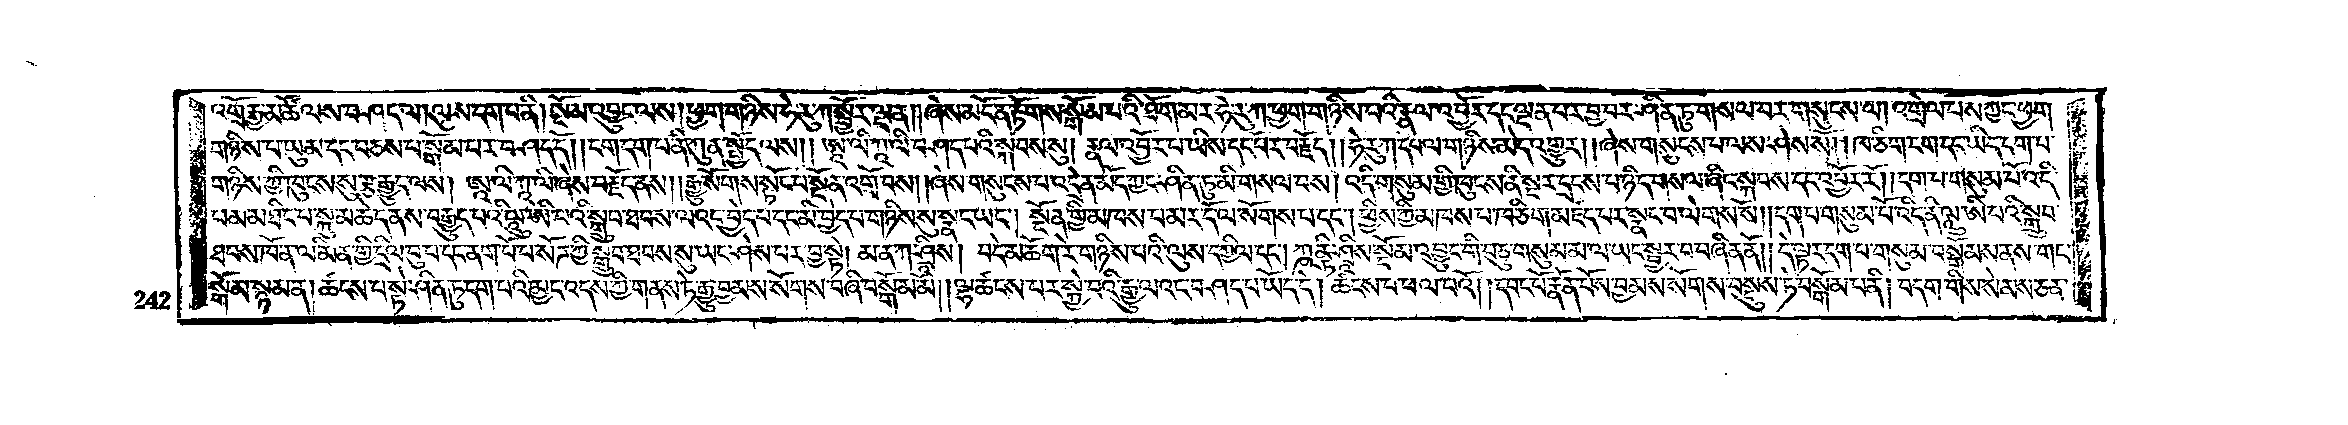འགྲོ་རྒྱ་མཚོ་ལས་བཤད་ལ། ལུས་དག་པ་ནི། སྡོམ་འབྱུང་ལས། ཕྱག་གཉིས་ཧེ་རུ་ཀ་སྦྱོར་ལྡན། །ཞེས་མངོན་རྟོགས་སྒོམ་པའི་ཐོག་མར་ཧེ་རུ་ཀ་ཕྱག་གཉིས་པའི་རྣལ་འབྱོར་དང་ལྡན་པར་བྱ་བར་ཤིན་ཏུ་གསལ་བར་གསུངས་ལ། འགྲེལ་པས་ཀྱང་ཕྱག་
གཉིས་པ་ཡུམ་དང་བཅས་པ་སྒོམ་པར་བཤད་དོ། །ངག་དག་པ་ནི་ཀུན་སྤྱོད་ལས། །ཨཱ་ལི་ཀཱ་ལི་བཤད་པའི་སྐབས་སུ། རྣལ་འབྱོར་པ་ཡིས་དང་པོར་བརྗོད། །ཧེ་རུ་ཀ་དཔལ་གཉིས་མེད་འགྱུར། །ཞེས་གསུངས་པ་ལས་ཤེས་སོ། །ཁ་ཅིག་ངག་དང་ཡིད་དག་པ་
གཉིས་ཀྱི་ཁུངས་སུ་རྩ་རྒྱུད་ལས། ཨཱ་ལི་ཀཱ་ལི་ཞེས་བརྗོད་ནས། །རྒྱུ་སོགས་སྟོང་པ་སྔོན་འགྲོ་བས། །ཞེས་གསུངས་པ་འདྲེན་མོད་ཀྱང་ཤིན་ཏུ་མི་གསལ་བས། འདི་གསུམ་གྱི་ཁུངས་ནི་སྔར་དྲངས་པ་ཉིད་གསལ་ཞིང་སྐབས་དང་འབྱོར་རོ། །དག་པ་གསུམ་པོ་འདི་
ཕམ་མཐིང་པ་སྐུ་མཆེད་ནས་བརྒྱུད་པའི་ལཱུ་ཨི་པའི་སྒྲུབ་ཐབས་ལའང་བྱེད་པ་དང་མི་བྱེད་པ་གཉིས་སུ་སྣང་ཡང་། སྔོན་གྱི་མཁས་པ་མར་དོ་ལ་སོགས་པ་དང་། ཕྱིས་ཀྱི་མཁས་པ་ཁ་ཅིག་མཛད་པར་སྣང་བ་ལེགས་སོ། །དག་པ་གསུམ་པོ་འདི་ནི་ལཱུ་ཨི་པའི་སྒྲུབ་
ཐབས་ཁོ་ན་ལ་མིན་གྱི་དྲིལ་བུ་པ་དང་ནག་པོ་པ་སོགས་ཀྱི་སྒྲུབ་ཐབས་སུ་ཡང་ཤེས་པར་བྱ་སྟེ། མ་ན་ཀ་ཤྲཱིས། བདེ་མཆོག་རེ་གཉིས་པའི་ལུས་དཀྱིལ་དང་། ཀྵནྟི་ཤྲཱིས་སྡོམ་འབྱུང་གི་བཅུ་གསུམ་མ་ལ་ཡང་སྦྱར་བ་བཞིན་ནོ། །དེ་ལྟར་དག་པ་གསུམ་བསྒོམས་ནས་གང་
སྒོམ་སྙམ་ན། ཚངས་པ་སྟེ་ཤིན་ཏུ་དག་པའི་མྱང་འདས་ཀྱི་གནས་ཏེ་རྒྱུ་བྱམས་སོགས་བཞི་བསྒོམ་མོ། །ལྷ་ཚངས་པར་སྐྱེ་བའི་རྒྱུ་ལའང་བཤད་པ་ཡོད་དེ། ཚངས་པ་ཕལ་བའོ། །དབང་པོ་རྣོན་པོས་བྱམས་སོགས་བསྡུས་ཏེ་བསྒོམ་པ་ནི། བདག་གིས་སེམས་ཅན་